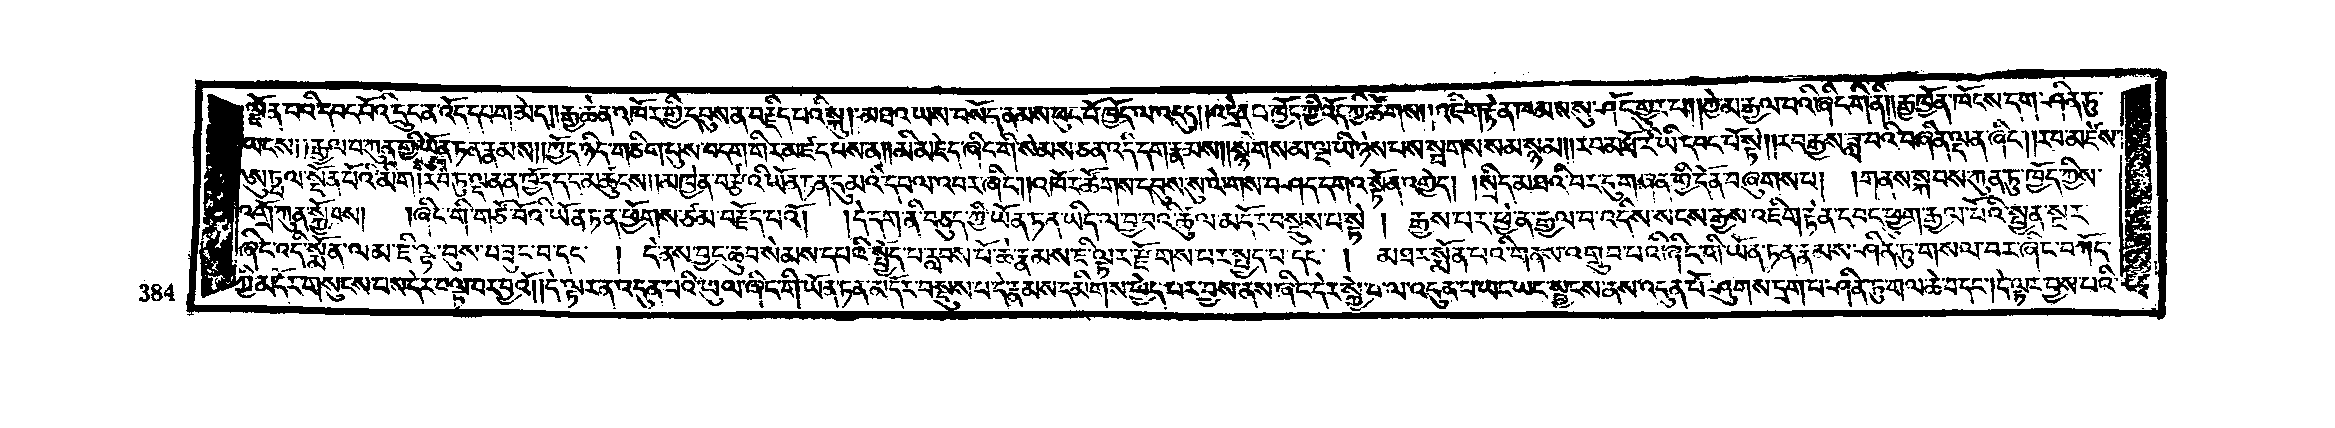ལྗོན་པའི་དབང་པོའི་དྲུང་ན་འོད་དཔག་མེད། །རྒྱ་ཆེན་འཁོར་གྱི་དབུས་ན་བརྗིད་པའི་སྐུ། །མཐའ་ཡས་བསོད་ནམས་ཕུང་པོ་ཁྱོད་ལ་འདུད། །འདྲེན་པ་ཁྱོད་ཀྱི་འོད་ཀྱི་ཚོགས། །འཇིག་རྟེན་ཁམས་སུ་ཤོང་གྱུར་པ། །ཀྱེ་མ་རྒྱལ་བའི་ཞིང་གི་ནི། །རྒྱ་ཁྱོན་ཁོངས་དག་ཤིན་ཏུ་
ཡངས། །རྒྱལ་བ་ཀུན་གྱི་སྤང་རྟོགས་ཡོན་ཏན་རྣམས། །ཁྱོད་ཉིད་གཅིག་པུས་བདག་གིར་མཛད་པས་ན། །མི་མཛེད་ཞིང་གི་སེམས་ཅན་འདི་དག་རྣམས། །སྙིགས་མ་ལྔ་ཡི་ཉེས་པས་སྦགས་སམ་སྙམ། །རབ་མཐོ་རི་ཡི་དབང་པོ་སྟེ། །རབ་རྒྱས་ཟླ་བའི་བཞིན་ལྡན་ཞིང་། །རབ་མཛེས་
ཨུཏྤལ་སྲོན་པོའི་མིག །རབ་ཏུ་ལྡན་ན་ཁྱོད་དང་མཚུངས། །མཁྱེན་བརྩེའི་ཡོན་ཏན་དུ་མའི་དཔལ་འབར་ཞིང་། །འཁོར་ཚོགས་དབུས་སུ་ལེགས་བཤད་དགའ་སྟོན་འགྱེད། །སྲིད་མཐའི་བར་དུ་གཞན་གྱི་དོན་བཞུགས་པ། །གནས་སྐབས་ཀུན་ཏུ་ཁྱོད་ཀྱིས་
འགྲོ་ཀུན་སྐྱོངས། །ཞིང་གི་གཙོ་བོའི་ཡོན་ཏན་ཕྱོགས་ཙམ་བརྗོད་པའོ། །དེ་དག་ནི་བཅུད་ཀྱི་ཡོན་ཏན་ཡིད་ལ་བྱ་བའི་ཚུལ་མདོར་བསྡུས་པ་སྟེ། རྒྱས་པར་ཕྱེ་ན་རྒྱལ་བ་འདིས་སངས་རྒྱས་འཇིག་རྟེན་དབང་ཕྱུག་རྒྱལ་པོའི་སྤྱན་སྔར་
ཞིང་འདི་སྨོན་ལམ་ཇི་ལྟ་བུས་བཟུང་བ་དང་། དེ་ནས་བྱང་ཆུབ་སེམས་དཔའི་སྤྱོད་པ་རླབས་པོ་ཆེ་རྣམས་ཇི་ལྟར་རྫོགས་པར་སྤྱད་པ་དང་། མཐར་སྨོན་པའི་གནས་འགྲུབ་པའི་ཞིང་གི་ཡོན་ཏན་རྣམས་ཤིན་ཏུ་གསལ་བར་ཞིང་བཀོད་
ཀྱི་མདོར་གསུངས་པས་དེར་བལྟ་བར་བྱའོ། །དེ་ལྟར་ན་འདུན་པའི་ཡུལ་ཞིང་གི་ཡོན་ཏན་མདོར་བསྡུས་པ་དེ་རྣམས་དམིགས་ཕྱེད་པར་བྱས་ནས་ཞིང་དེར་སྐྱེ་བ་ལ་འདུན་པ་ཡང་ཡང་སྦྱངས་ནས་འདུན་པོ་ཤུགས་དྲག་པ་ཤིན་ཏུ་གལ་ཆེ་བ་དང་། དེ་ལྟར་བྱས་པའི་